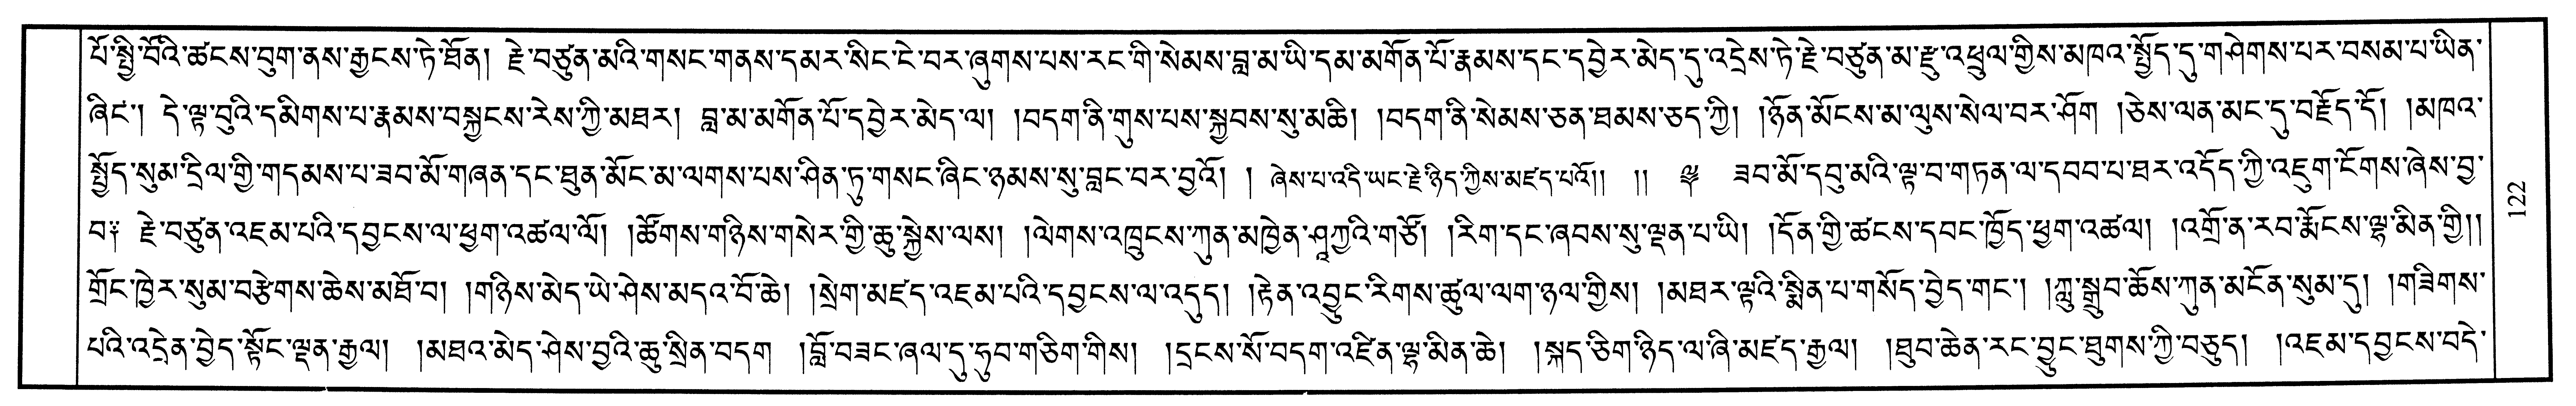པོ་སྤྱི་བོའི་ཚངས་བུག་ནས་རྒྱངས་ཏེ་ཐོན། རྗེ་བཙུན་མའི་གསང་གནས་དམར་སིང་ངེ་བར་ཞུགས་པས་རང་གི་སེམས་བླ་མ་ཡི་དམ་མགོན་པོ་རྣམས་དང་དབྱེར་མེད་དུ་འདྲེས་ཏེ་རྗེ་བཙུན་མ་རྫུ་འཕྲུལ་གྱིས་མཁའ་སྤྱོད་དུ་གཤེགས་པར་བསམ་པ་ཡིན་
ཞིང་། དེ་ལྟ་བུའི་དམིགས་པ་རྣམས་བསྐྱངས་རེས་ཀྱི་མཐར། བླ་མ་མགོན་པོ་དབྱེར་མེད་ལ། །བདག་ནི་གུས་པས་སྐྱབས་སུ་མཆི། །བདག་ནི་སེམས་ཅན་ཐམས་ཅད་ཀྱི། །ཉོན་མོངས་མ་ལུས་སེལ་བར་ཤོག །ཅེས་ལན་མང་དུ་བརྗོད་དོ། །མཁའ་
སྤྱོད་སུམ་དྲིལ་གྱི་གདམས་པ་ཟབ་མོ་གཞན་དང་ཐུན་མོང་མ་ལགས་པས་ཤིན་ཏུ་གསང་ཞིང་ཉམས་སུ་བླང་བར་བྱའོ། །ཞེས་པ་འདི་ཡང་རྗེ་ཉིད་ཀྱིས་མཛད་པའོ།། །། ༈ ཟབ་མོ་དབུ་མའི་ལྟ་བ་གཏན་ལ་དབབ་པ་ཐར་འདོད་ཀྱི་འཇུག་ངོགས་ཞེས་བྱ་
བ༑ རྗེ་བཙུན་འཇམ་པའི་དབྱངས་ལ་ཕྱག་འཚལ་ལོ། །ཚོགས་གཉིས་གསེར་གྱི་ཆུ་སྐྱེས་ལས། །ལེགས་འཁྲུངས་ཀུན་མཁྱེན་ཤཱཀྱའི་གཙོ། །རིག་དང་ཞབས་སུ་ལྡན་པ་ཡི། །དོན་གྱི་ཚངས་དབང་ཁྱོད་ཕྱག་འཚལ། །འགྲོ་ན་རབ་རྨོངས་ལྷ་མིན་གྱི།།
གྲོང་ཁྱེར་སུམ་བརྩེགས་ཆེས་མཐོ་བ། །གཉིས་མེད་ཡེ་ཤེས་མདའ་བོ་ཆེ། །སྲེག་མཛད་འཇམ་པའི་དབྱངས་ལ་འདུད། །རྟེན་འབྱུང་རིགས་ཚུལ་ལག་ཉལ་གྱིས། །མཐར་ལྟའི་སྨིན་པ་གསོད་བྱེད་གང་། །ཀླུ་སྒྲུབ་ཆོས་ཀུན་མངོན་སུམ་དུ། །གཟིགས་
པའི་འདྲེན་བྱེད་སྟོང་ལྡན་རྒྱལ། །མཐའ་མེད་ཤེས་བྱའི་ཆུ་སྲིན་བདག །བློ་བཟང་ཞལ་དུ་ཧུབ་གཅིག་གིས། །དྲངས་སོ་བདག་འཛིན་ལྷ་མིན་ཆེ། །སྐད་ཅིག་ཉིད་ལ་ཞི་མཛད་རྒྱལ། །ཐུབ་ཆེན་རང་བྱུང་ཐུགས་ཀྱི་བཅུད། །འཇམ་དབྱངས་བདེ་